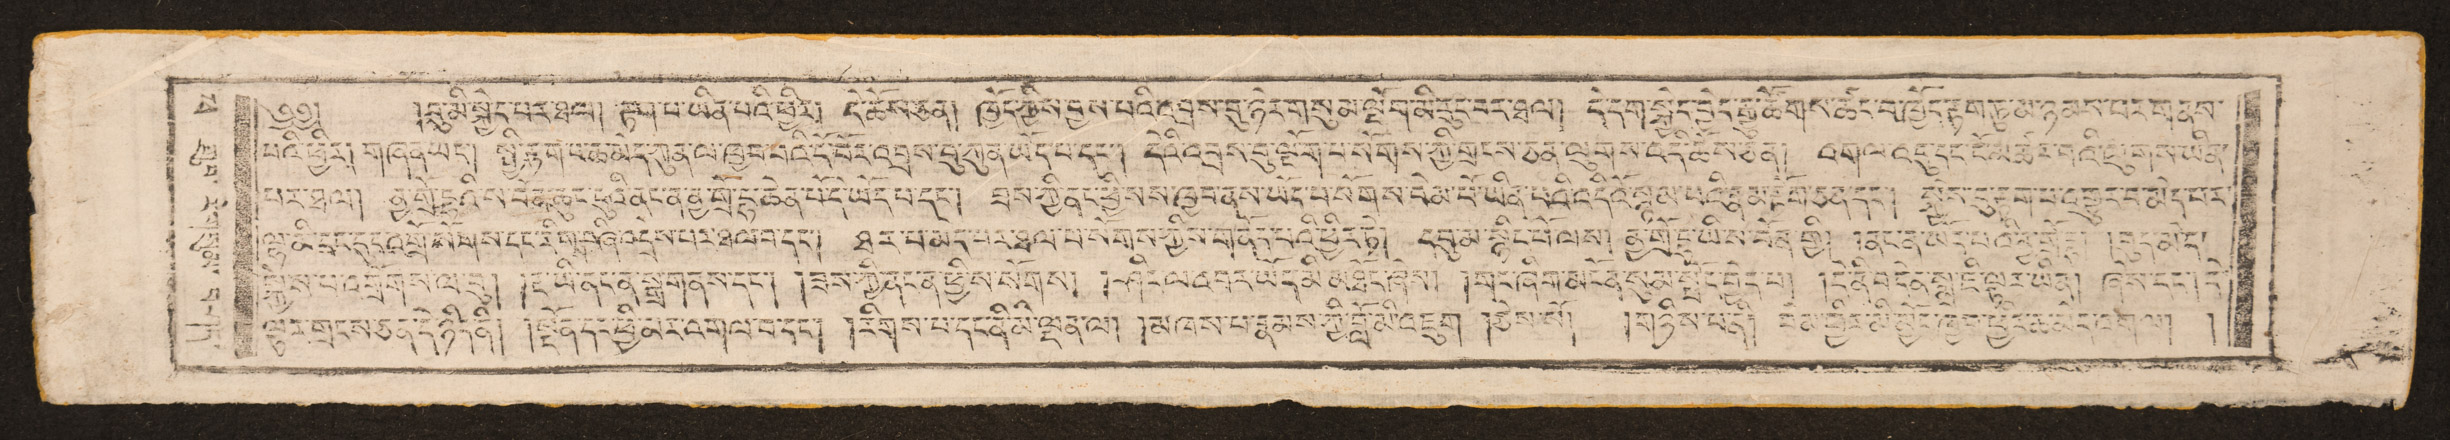༄༅། །བུ་མི་སྐྱེད་པར་ཐལ། རྟག་པ་ཡིན་པའི་ཕྱིར། དེ་ཆོས་ཅན། ཁྱོད་ཀྱིས་བྱས་པའི་འབྲས་བུ་ཉེར་གསུམ་ལྡོག་མི་རུང་བར་ཐལ། དེ་དག་སྐྱེད་བྱེད་རྒྱུ་ཚོགས་ཚང་བ་ཁྱོད་རྟག་ཏུ་མ་ཉམས་པར་གནས་
པའི་ཕྱིར། གཞན་ཡང་། སྤྱི་རྟག་པ་ཆ་མེད་ཀུན་ལ་ཁྱབ་པའི་ངོ་བོར་འབྲས་བུ་ཀུན་ཡོད་པ་དང་། དེའི་འབྲས་བུ་ལྡོག་པ་སོགས་ཀྱི་གྲངས་ཅན་ལུགས་འདི་ཆོས་ཅན། འགལ་འདུ་དང་ངོ་མཚར་བའི་ལུགས་ཡིན་
པར་ཐལ། ནྱ་གྲོ་དྷའི་ས་བོན་ཆུང་ངུའི་ནང་ན་ནྱ་གྲོ་དྷ་ཆེན་པོ་དེ་ཡོད་པ་དང་། ཟས་ཀྱི་ནང་ཕྱི་སས་ཁྱབ་ནས་ཡོད་པ་སོགས་བེམ་པོ་ཡིན་པའི་འདིའོ་སྙམ་པའི་རྣམ་རྟོག་ཅན་དང་། སྐྱེས་བུ་རྟག་པ་འགྱུར་བ་མེད་པར་
ལྷ་མི་དང་དུད་འགྲོ་སོགས་དང་རིགས་བཞི་འདྲེས་པར་ཐལ་བ་དང་། ཐར་པ་མེད་པར་ཐལ་བ་སོགས་ཀྱིས་གནོད་པའི་ཕྱིར་ཏེ། དབུ་མ་སྙིང་པོ་ལས། ནྱ་གྲོ་དྷ་ཡི་ས་བོན་གྱི། །ནང་ན་མོད་པའི་ནྱ་གྲོ་དྷ། །བུད་མེད་
སྐྱེས་པ་འགྲོགས་ལ་བུ། །རྔ་ཡི་ནང་ན་སྒྲ་གནས་དང་། །ཟས་ཀྱི་ནང་ན་ཕྱིས་སོགས། །ཤིང་ལ་འབར་ཡོད་མི་མཐོང་ཞེས། །གང་ཞིག་མངོན་སུམ་སྤོང་བྱེད་པ། །དེ་ནི་བདེན་སྨྲ་ཇི་ལྟར་ཡིན། ཞེས་དང་། དེ་
ལྟར་གྲངས་ཅན་དེ་ཉིད་ནི། །སྔོན་དང་ཕྱི་མར་འགལ་བ་དང་། །རིགས་པ་དང་ནི་མི་ལྡན་ལ། །མཁས་པ་རྣམས་ཀྱི་བློ་མི་འཇུག །ཅེས་སོ། །གཉིས་པ་ནི། བེམ་ཕྱིར་མི་མྱོང་ཁྱབ་ཕྱིར་ཆ་མེད་འགལ། །